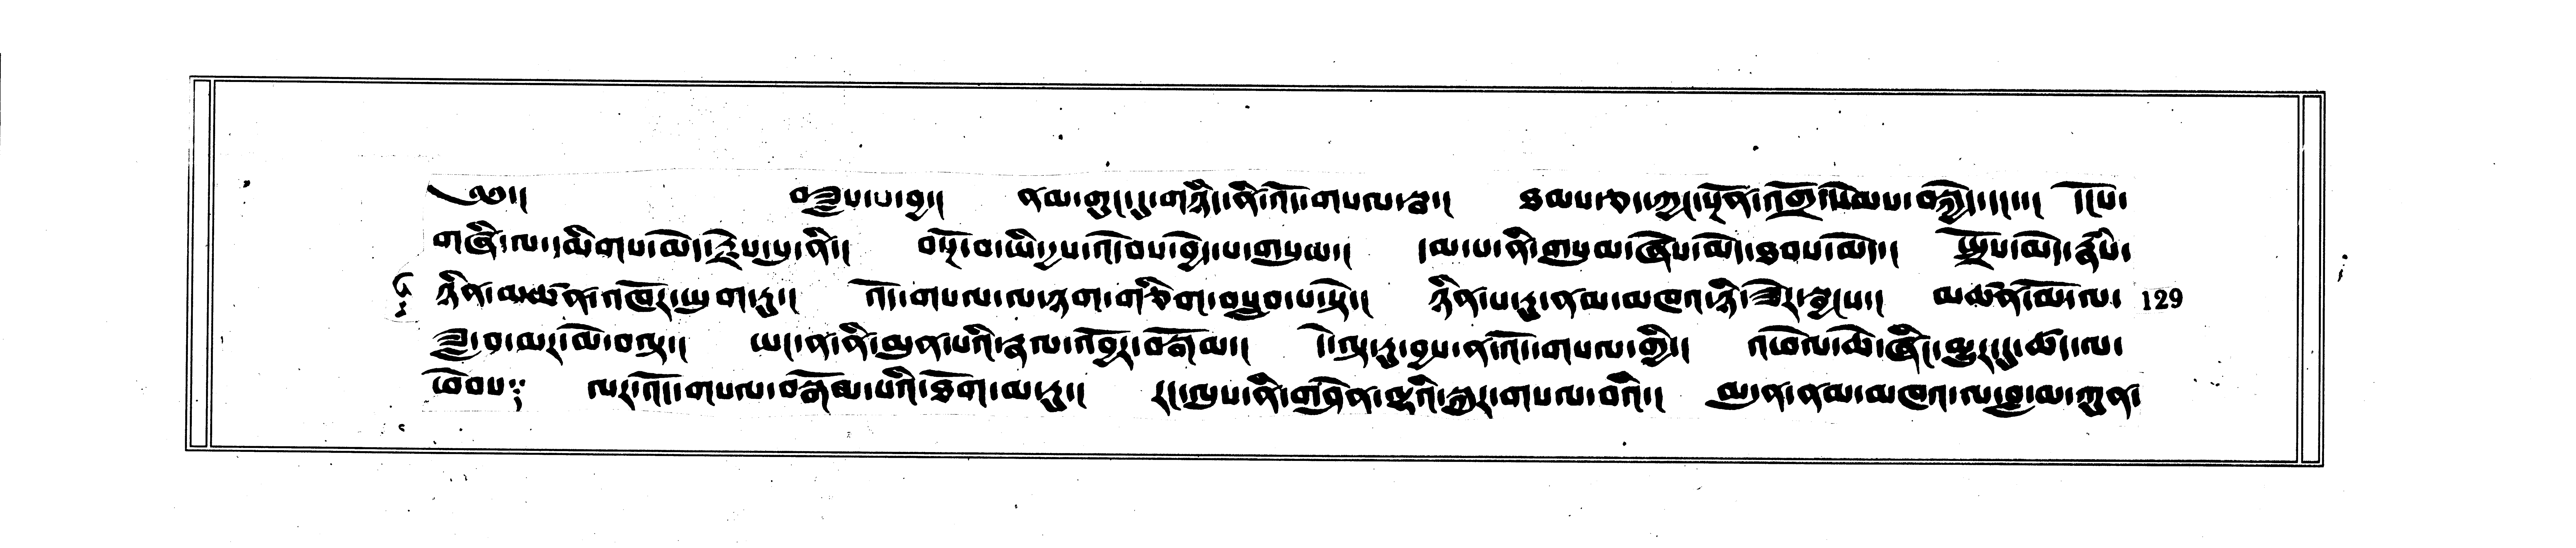བཟླས་པ་བྱ། །ནམ་གུང་དུ་གཉིད་ནི་འོད་གསལ་སྦ། །ཐམས་ཅད་ཀྱང་སྔོན་འགྲོ་སེམས་བསྐྱེད་དང་། །དངོས་
གཞི་ལ་དམིགས་མེད་རྗེས་སུ་ནི། །བསྔོ་བ་ཡི་རྒྱས་འདེབས་བྱེད་པ་གསུམ། །དམ་པ་ནི་གསུམ་ཞེས་མེད་ཐབས་མེད། །སྤྲོས་མེད་རྣམས་
ཉིན་མཚན་ཁོར་ཡུག་ཏུ། །འོད་གསལ་ལ་ཉག་ཅིག་བསླབ་པ་སྟེ། །ཉིན་པ་རུ་ནམ་མཁའ་ཉི་ཟེར་སྦྱངས། །མཚན་མོ་ལ་
ཟླ་བ་མར་མེ་བལྟ། །ཡང་ན་ནི་མུན་པའི་རྣལ་འབྱོར་བསྒོམ། །དེ་ལྟ་རུ་བྱས་ན་འོད་གསལ་གྱི། །འཕེལ་ཆེ་ཞིང་མྱུར་དུ་ཚད་ལ་
ཕེབས། །ལར་འོད་གསལ་བསྒོམ་པའི་ཐོག་མ་རུ། །རང་ལུས་ནི་གཤེན་ལྷའི་སྐུར་གསལ་བའི། །མདུན་ནམ་མཁའ་ལ་བླ་མ་ཀུན་